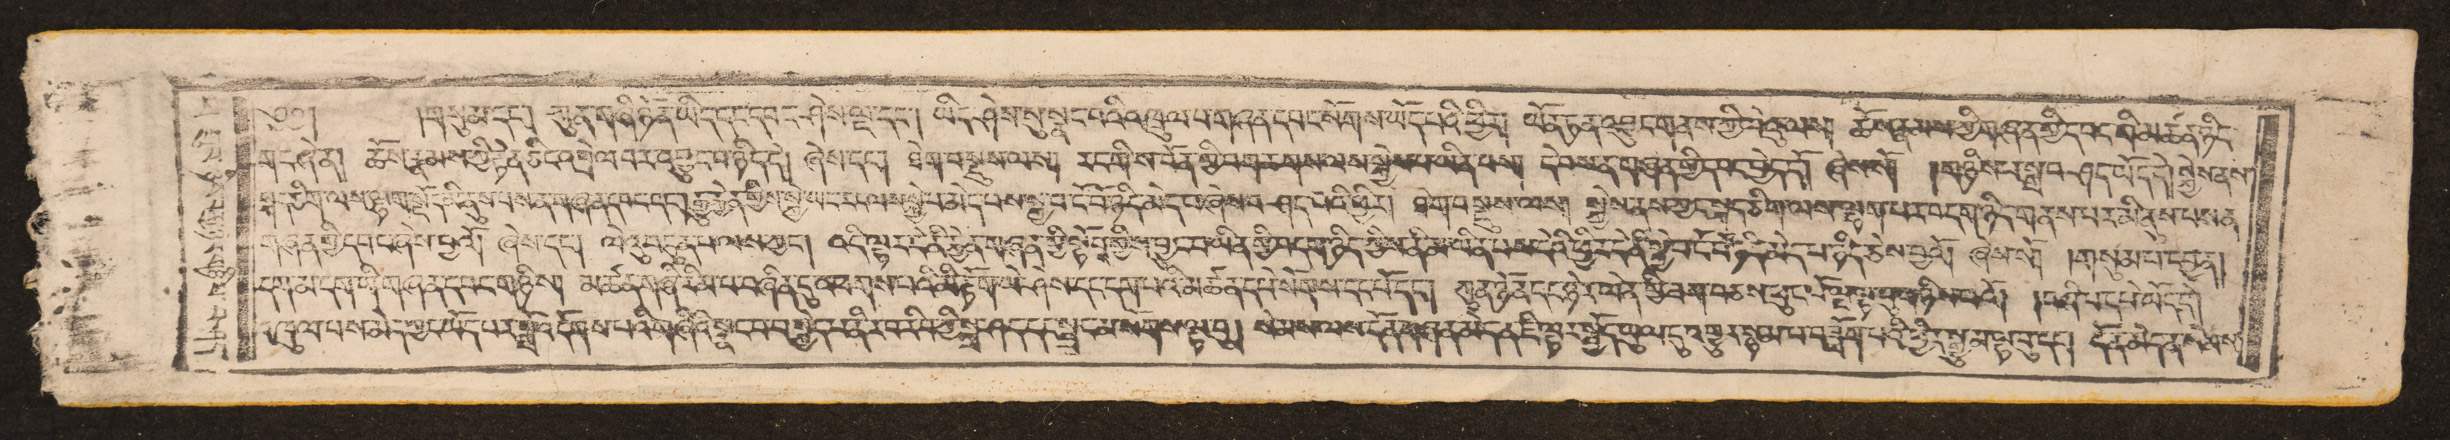༄༅། །གསུམ་དང་། ཀུན་གཞི་ཉོན་ཡིད་དང་དབང་ཤེས་ལྔ་དང་། ཡིད་ཤེས་སུ་སྣང་བའི་འཁྲུལ་བ་གཞན་དབང་སོགས་ཡོད་པའི་ཕྱིར། ཡོན་ཏན་འབྱུང་གནས་གྱི་ལེའུ་ལས། ཆོས་རྣམས་ཀྱི་གཞན་གྱི་དབང་གི་མཚན་ཉིད་
གང་ཞེ་ན། ཆོས་རྣམས་ཀྱི་རྟེན་ཅིང་འབྲེལ་བར་འབྱུང་བ་ཉིད་དེ། ཞེས་དང་། ཐེག་བསྡུས་ལས། རང་གི་ས་བོན་གྱི་བག་ཆགས་ལས་སྐྱེས་པ་ཡིན་པས། དེ་བས་ན་གཞན་གྱི་དབང་བྱེད་དོ། ཞེས་སོ། །གཉིས་པ་སྒྲ་བཤད་ཡོད་དེ། སྐྱེས་ནས་
སྐད་ཅིག་ལས་ལྷག་སྡོད་མི་ནུས་པས་ན་གཞན་དབང་དང་། རྒྱུ་རྐྱེན་གྱིས་སྐྱེ་ཡང་རང་ལས་སྐྱེ་པ་མེད་པས་སྐྱེ་བ་ངོ་བོ་ཉིད་མེད་པ་ཞེས་བཤད་པའི་ཕྱིར། ཐེག་བསྡུས་ལས། སྐྱེས་ནས་ཀྱང་སྐད་ཅིག་ལས་ལྷག་པར་བདག་ཉིད་གནས་པར་མི་ནུས་པས་ན་
གཞན་གྱི་དབང་ཞེས་བྱའོ། ཞེས་དང་། ལེའུ་བདུན་པ་ལས་ཀྱང་། འདི་ལྟར་དེ་ནི་རྐྱེན་གཞན་གྱི་སྟོབས་གྱིས་བྱུང་བ་ཡིན་གྱི་བདག་ཉིད་ཀྱིས་ནི་མ་ཡིན་པས་དེའི་ཕྱིར་དེ་ནི་སྐྱེ་བ་ངོ་བོ་ཉིད་མེད་པ་ཉིད་ཅེས་བྱའོ། ཞེས་སོ། །གསུམ་པ་དབྱེ་ན།
དག་མ་དག་གི་གཞན་དབང་གཉིས། མཚན་གཞིར་མ་པ་བཞིན་དུ་འཕགས་པའི་མི་རྟོག་ཡེ་ཤེས་དང་དག་པའི་མཚན་དཔེ་སོགས་དང་པོ་དང་། ཀུན་ཉོན་དང་ཉེར་ལེན་གྱི་ཟག་བཅས་ཕུང་པོ་ལྔ་ལྟ་བུ་གཉིས་པའོ། །བཞི་པ་དཔེ་ཡོད་དེ།
འཁྲུལ་པས་མེད་ཀྱང་ཡོད་པར་སྒྲོ་འདོགས་པའི་གཞིའི་སྣང་བ་བསྐྱེད་པ་ནི་རབ་རིབ་ཀྱི་སྐྲ་ཤད་དང་སྦྲང་མ་སོགས་ལྟ་བུ། སེམས་ལས་དོན་གཞན་མེད་ན་ཇི་ལྟར་སྤྱོད་ཡུལ་དུ་འགྱུར་སྙམ་པ་བཟློག་པའི་ཕྱིར་སྒྱུ་མ་ལྟ་བུ་དང་། དོན་མེད་ན་སེམས་